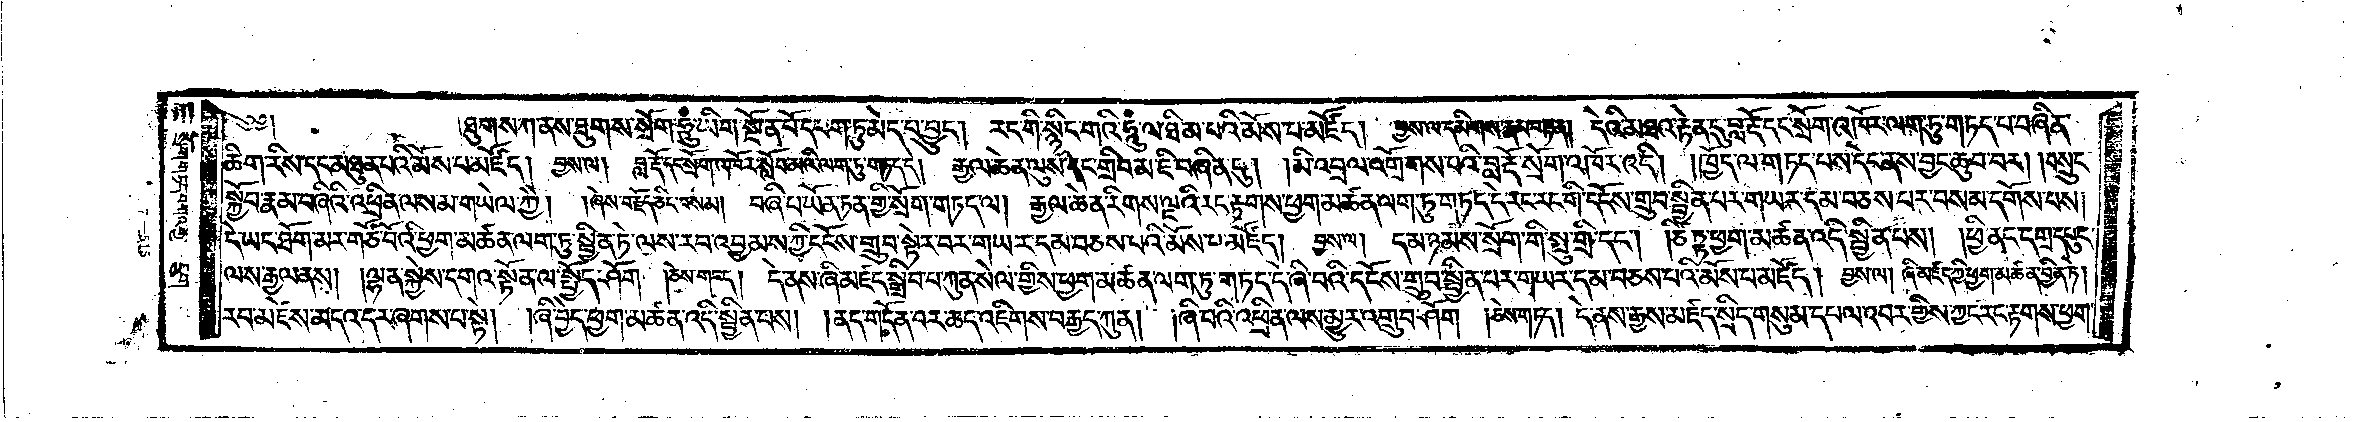༄༅། །ཐུགས་ཀ་ནས་ཐུགས་སྲོག་ཧཱུཾ་ཡིག་སྔོན་པོ་དཔག་ཏུ་མེད་པ་བྱུང་། རང་གི་སྙིང་གའི་ཧཱུཾ་ལ་ཐིམ་པའི་མོས་པ་མཛོད། བྱས་ལ་དམིགས་རྣམ་བསྟན།  དེའི་མཐའ་རྟེན་དུ་བླ་རྡོ་དང་སྲོག་འཁོར་ལག་ཏུ་གཏད་པ་བཞིན་
ཚིག་རིས་དང་མཐུན་པའི་མོས་པ་མཛོད། བྱས་ལ། བླ་རྡོ་དང་སྲོག་འཁོར་སློབ་མའི་ལག་ཏུ་གཏད་དེ།  རྒྱལ་ཆེན་ལུས་དང་གྲིབ་མ་ཇི་བཞིན་དུ། །མི་འབྲལ་འགྲོགས་པའི་བླ་རྡོ་སྲོག་འཁོར་འདི། །ཁྱོད་ལ་གཏད་པས་དེང་ནས་བྱང་ཆུབ་བར། །བསྲུང་
སྐྱོབ་རྣམ་བཞིའི་འཕྲིན་ལས་མ་གཡེལ་ཀྱཻ། །ཞེས་བརྗོད་ཅིང་བསམ།  བཞི་པ་ཡོན་ཏན་གྱི་སྲོག་གཏད་ལ། རྒྱལ་ཆེན་རིགས་ལྔའི་རང་རྟགས་ཕྱག་མཚན་ལག་ཏུ་གཏད་དེ་རང་རང་གི་དངོས་གྲུབ་སྦྱིན་པར་གཡར་དམ་བཅས་བར་བསམ་དགོས་པས།
དེ་ཡང་ཐོག་མར་གཙོ་བོའི་ཕྱག་མཚན་ལག་ཏུ་སྦྱིན་ཏེ་ལས་རབ་འབྱམས་ཀྱི་དངོས་གྲུབ་སྟེར་བར་གཡར་དམ་བཅས་པའི་མོས་པ་མཛོད། བྱས་ལ།  དམ་ཉམས་སྲོག་གི་སྤུ་གྲི་དང་། །ཙིཏྟ་ཕྱག་མཚན་འདི་སྦྱིན་པས། །ཕྱི་ནང་དགྲ་དཔུང་
ལས་རྒྱལ་ནས། །ལྷན་སྐྱེས་དགའ་སྟོན་ལ་སྤྱོད་ཤོག་།ཅེས་གཏད།  དེ་ནས་ཞི་མཛད་སྒྲིབ་པ་ཀུན་སེལ་གྱིས་ཕྱག་མཚན་ལག་ཏུ་གཏད་དེ་ཞི་བའི་དངོས་གྲུབ་སྦྱིན་པར་གཡར་དམ་བཅས་པའི་མོས་པ་མཛོད། བྱས་ལ། ཞི་མཛད་ཀྱི་ཕྱག་མཚན་བྱིན་ཏེ།
རབ་མཛེས་མདའ་དར་ཞགས་པ་སྟེ། །ཞི་བྱེད་ཕྱག་མཚན་འདི་སྦྱིན་པས། །ནད་གདོན་བར་ཆད་འཇིགས་བརྒྱད་ཀུན། །ཞི་བའི་འཕྲིན་ལས་མྱུར་འགྲུབ་ཤོག་།ཅེས་གཏད།  དེ་ནས་རྒྱས་མཛད་སྲིད་གསུམ་དཔལ་འབར་གྱིས་ཀྱང་རང་རྟགས་ཕྱག་